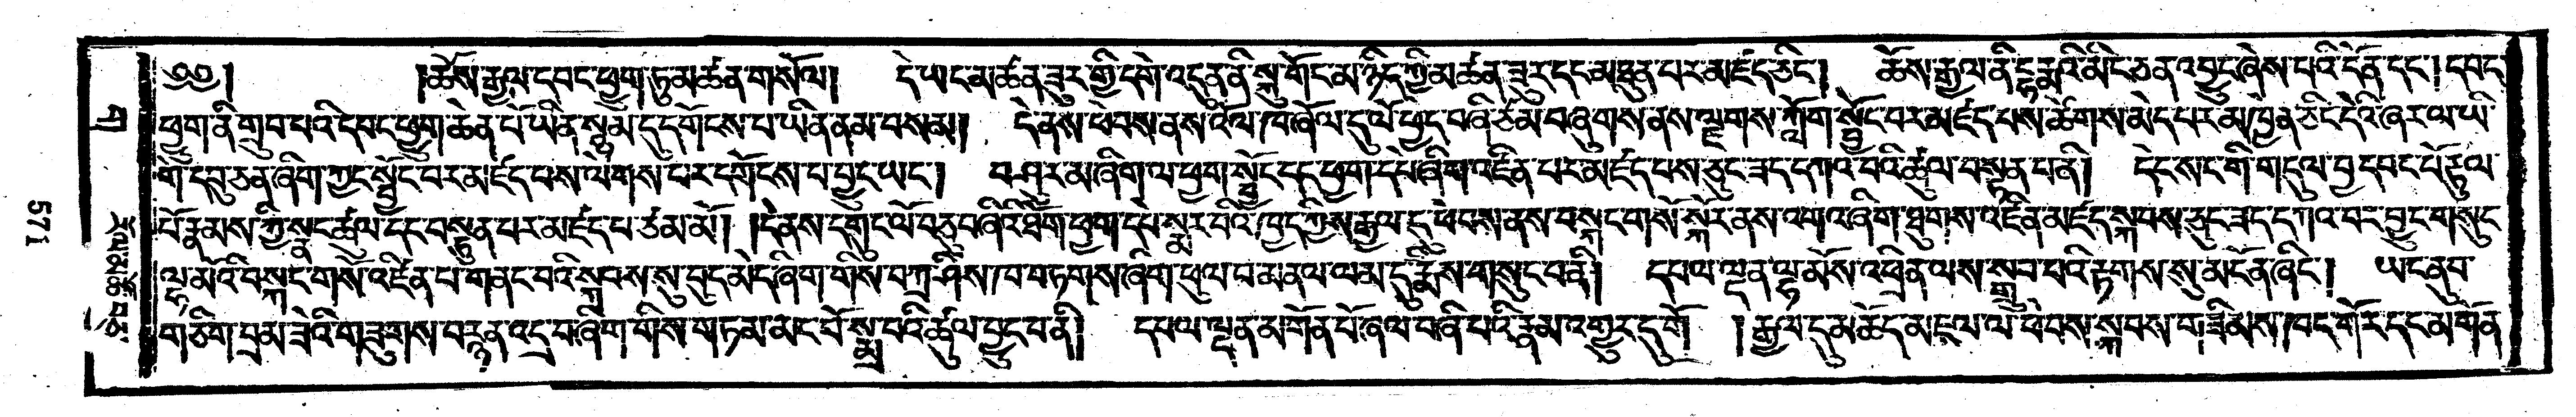༄༅། །ཆོས་རྒྱལ་དབང་ཕྱུག་ཏུ་མཚན་གསོལ། དེ་ཡང་མཚན་ཟུར་གྱི་དགེ་འདུན་ནི་སྐུ་གོང་མ་ཉིད་ཀྱི་མཚན་ཟུར་དང་མཐུན་པར་མཛད་ཅིང་། ཆོས་རྒྱལ་ནི་དྷརྨའི་མིང་ཅན་འབྱུང་ཞེས་པའི་དོན་དང་། དབང་
ཕྱུག་ནི་གྲུབ་པའི་དབང་ཕྱུག་ཆེན་པོ་ཡིན་སྙམ་དུ་དགོངས་པ་ཡིན་ནམ་བསམ། དེ་ནས་ཕེབས་ནས་འོལ་ཁ་ཞོལ་དུ་ལོ་ཕྱེད་བཞི་ཙམ་བཞུགས་ནས་ལྗགས་ཀློག་སྦྱོང་བར་མཛད་པས་ཚེགས་མེད་པར་མཁྱེན་ཅིང་དེའི་ཞར་ལ་ཡི་
གོ་དབུ་ཅན་ཞིག་ཀྱང་སྦྱོང་བར་མཛད་པས་ལེགས་པར་དགོངས་པ་བྱུང་ཡང་། བཤུར་མ་ཞིག་ལ་ཕྱག་སྦྱོང་དང་ཕྱག་དཔེ་ཞིག་འཛིན་པར་མཛད་པས་ཅུང་ཟད་དཀའ་བའི་ཚུལ་བསྟན་པ་ནི། དེང་སང་གི་གདུལ་བྱ་དབང་པོ་རྟུལ་
པོ་རྣམས་ཀྱི་སྣང་ཚུལ་དང་བསྟུན་པར་མཛད་པ་ཙམ་མོ། །དེ་ནས་དགུང་ལོ་བཅུ་བཞིའི་ཐོག་ཕྱག་དཔེ་སྨར་བའི་ཁྱད་ཀྱིས་རྒྱལ་དུ་ཕེབས་ནས་བསྐང་གསོ་སྐོར་ནས་འགའ་ཞིག་ཐུགས་འཛིན་མཛད་སྐབས་ཅུང་ཟད་དཀའ་བར་བྱུང་གསུང་
ལྷ་མོའི་བསྐང་གསོ་འཛིན་པ་གནང་བའི་སྐབས་སུ་བུད་མེད་ཞིག་གིས་བཀྲ་ཤིས་ཁ་བཏགས་ཞིག་ཕུལ་བ་མནལ་ལམ་དུ་རྨིས་གསུང་བ་ནི། དཔལ་ལྡན་ལྷ་མོས་འཕྲིན་ལས་སྒྲུབ་པའི་རྟགས་སུ་མངོན་ཞིང་། ཡང་ནུབ་
གཅིག་བྲམ་ཟེའི་གཟུགས་བརྙན་འདྲ་བ་ཞིག་གིས་གཏམ་མང་པོ་སྨྲ་བའི་ཚུལ་བྱུང་བ་ནི། དཔལ་ལྡན་མགོན་པོ་ཞལ་བཞི་པའི་རྣམ་འགྱུར་དུ་གོ །རྒྱལ་དུ་མཆོད་མཇལ་ལ་ཕེབས་སྐབས་གཟིམས་ཁང་གོར་དང་མགོན་